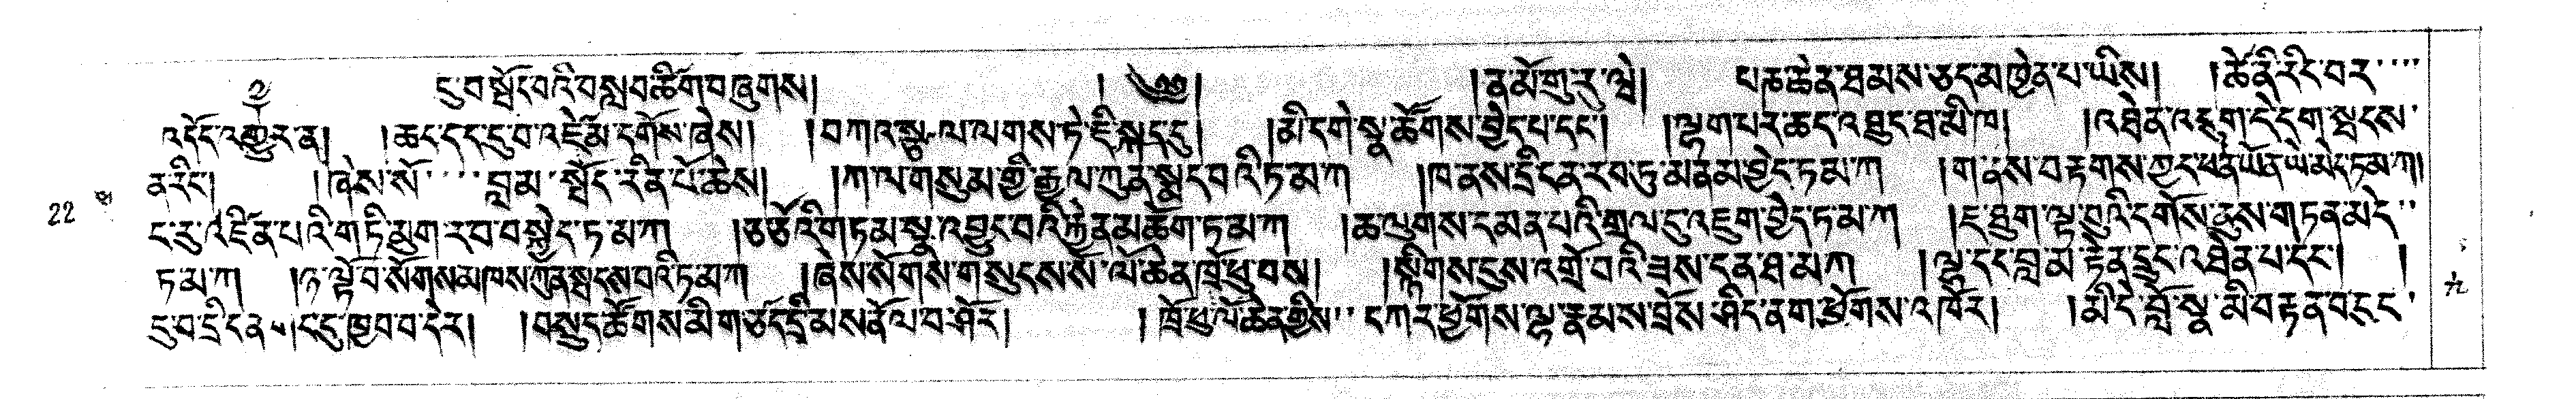༈ དུ་བ་སྦོང་བའི་བསླབ་ཚིག་བཞུགས། །༄༅། །ན་མོ་གུ་རུ་ཝེ། པཎ་ཆེན་ཐམས་ཅད་མཁྱེན་པ་ཡིས། །ཚེ་ནི་རིང་བར་
འདོད་འགྱུར་ན། །ཆང་དང་དུ་བ་འཛེམ་དགོས་ཞེས། །བཀའ་སྩལ་ལགས་ཏེ་ཇི་སྐད་དུ། །མི་དགེ་སྣ་ཚོགས་བྱེད་པ་དང་། །ལྷག་པར་ཆང་འཐུང་ཐ་མི་ཁ། །འཐེན་འདུག་དེ་དག་སྦངས་
ན་རིང་། །ཞེས་སོ་བླ་མ་སྦོད་རིན་པོ་ཆེས། །ཀ་ལ་གསུམ་གྱི་རྒྱལ་ཀུན་སྨང་བའི་ཏ་མ་ཀ །ཁ་ནས་དྲི་ངན་རབ་ཏུ་མནམ་བྱེད་ཏ་མ་ཀ །གནས་བརྟགས་ཀྱང་ཕན་ཡོན་ཡེ་མེད་ཏ་མ་ཀ།
ང་རུ་འཛིན་པའི་གཏི་མུག་རབ་བསྐྱེད་ཏ་མ་ཀ །ཅ་ཅོའི་གཏམ་སྣ་འབྱུང་བའི་རྐྱེན་མཆོག་ཏ་མ་ཀ །ཆ་ལུགས་དམན་པའི་གྲལ་དུ་འཇུག་བྱེད་ཏ་མ་ཀ །ཇ་ཐུག་ལྟ་བུའི་དགོས་ནུས་གཏན་མེད་
ཏ་མ་ཀ །ཉ་ལྟོ་བ་སོགས་མཁས་ཀུན་སྤངས་པའི་ཏ་མ་ཀ །ཞེས་སོགས་གསུངས་སོ་ལོ་ཆེན་ཁྲོ་ཕུ་བས། །སྙིགས་དུས་འགྲོ་བའི་ཟས་དན་ཐ་མ་ཀ །ལྷ་དང་བླ་མ་རྟེན་དྲུང་འཐེན་པ་དང་། །
དུ་བ་དྲི་ངན་གང་དུ་ཁྱབ་བ་དེར། །བསྲུད་ཚོགས་མིག་ཙང་དྲི་མས་ནོལ་བ་ཤོར། །ཁྲོ་ཕུ་ལོ་ཆེན་གྱིས་དཀར་ཕྱོགས་ལྷ་རྣམས་བྲོས་ཤིང་ནག་ཕྱོགས་འཁོར། །མི་དེ་བློ་སྣ་མི་བརྟན་བདུད་